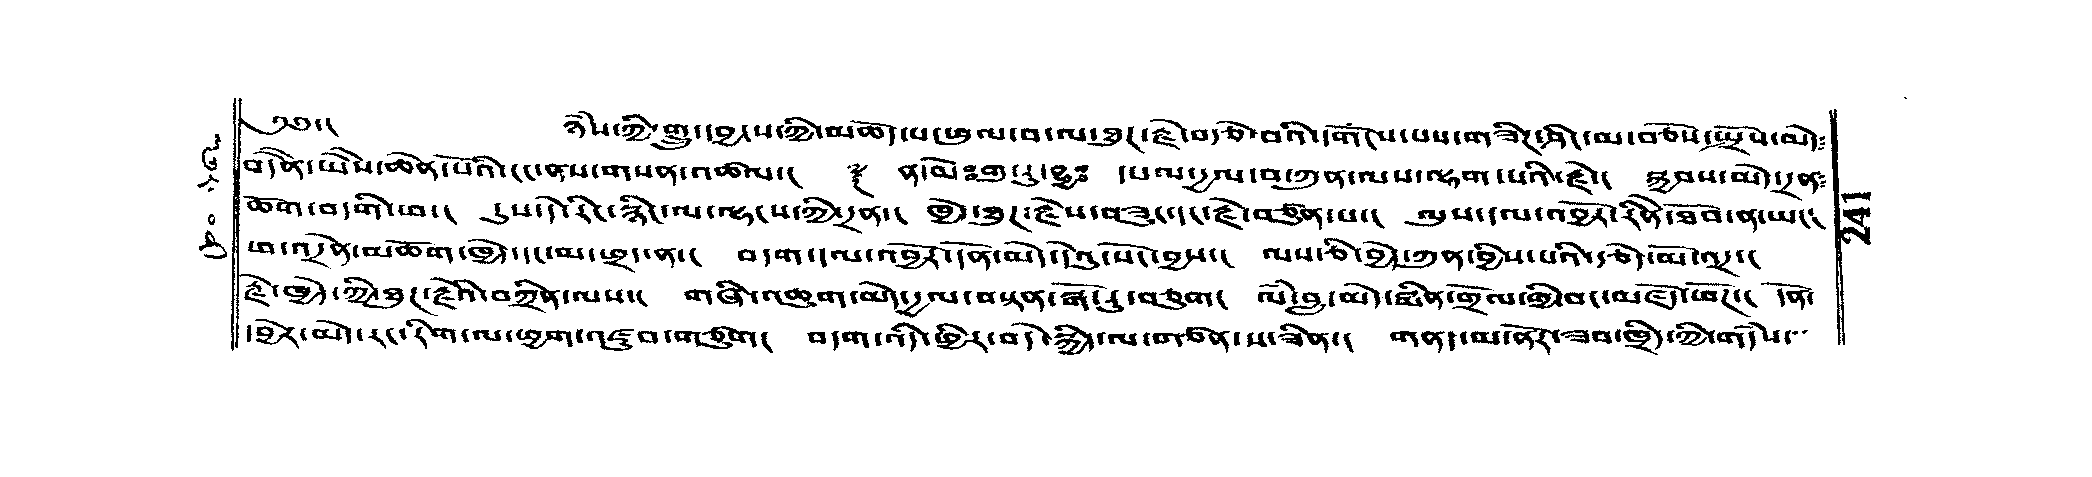རྣམས་ཀྱིས་གླུ་དབྱངས་ཀྱི་མཆོད་པ་ཕུལ་བ་ལ་ཐུགས་རྗེ་བརྩེ་བའི་དགོངས་པས་གཟིགས་ཤིང་མ་བཅོས་སྤྲོས་མེད་
བདེ་ཆེན་ཡེ་ཤེས་ཆེན་པོའི་ངང་ནས་གསན་འཚལ།། ༈ ན་མོཿགུ་རུ་བྷྱཿ དཔལ་རྒྱལ་བ་ཀུན་ལས་ལྷག་པའི་རྗེ། །སྐྱབས་མེད་དྲན་
ཆོག་བདག་གི་ཕ། །དུས་དེ་རིང་སྙིང་ལ་ལྷངས་ཀྱི་དྲན། །ཁྱེད་ཐུགས་རྗེས་བཟུང་དང་རྗེ་བཙུན་པ། ལུས་དལ་འབྱོར་རིན་ཆེན་ཐོབ་ན་ཡང་། །
ཕ་འདྲེན་མཆོག་ཁྱེད་དང་མ་ཕྲད་ན། །བདག་དལ་འབྱོར་དོན་མེད་དེའུ་སོང་བྱས། །ལས་ཅི་བྱེད་ཀུན་བྱིས་པའི་རྩེད་མོ་འདྲ། །
རྗེ་ཁྱེད་ཀྱི་ཐུགས་རྗེའི་བཀའ་དྲིན་ལས། །གཞི་འཆུགས་མེད་རྒྱལ་བསྟན་སྒོ་རུ་བཅུག །ལམ་བླ་མེད་སྨིན་གྲོལ་གྱི་བང་མཛོད་ཕོགས། །དོན་
དབྱེར་མེད་རང་རིག་ལ་ཕྱག་འཛུབ་གཙུག །བདག་འདི་ཕྱིའི་བདེ་སྐྱིད་ལ་གཙན་ས་ཟིན། །གནད་མ་ནོར་ཟབ་ཁྲིད་ཀྱི་གདམས་